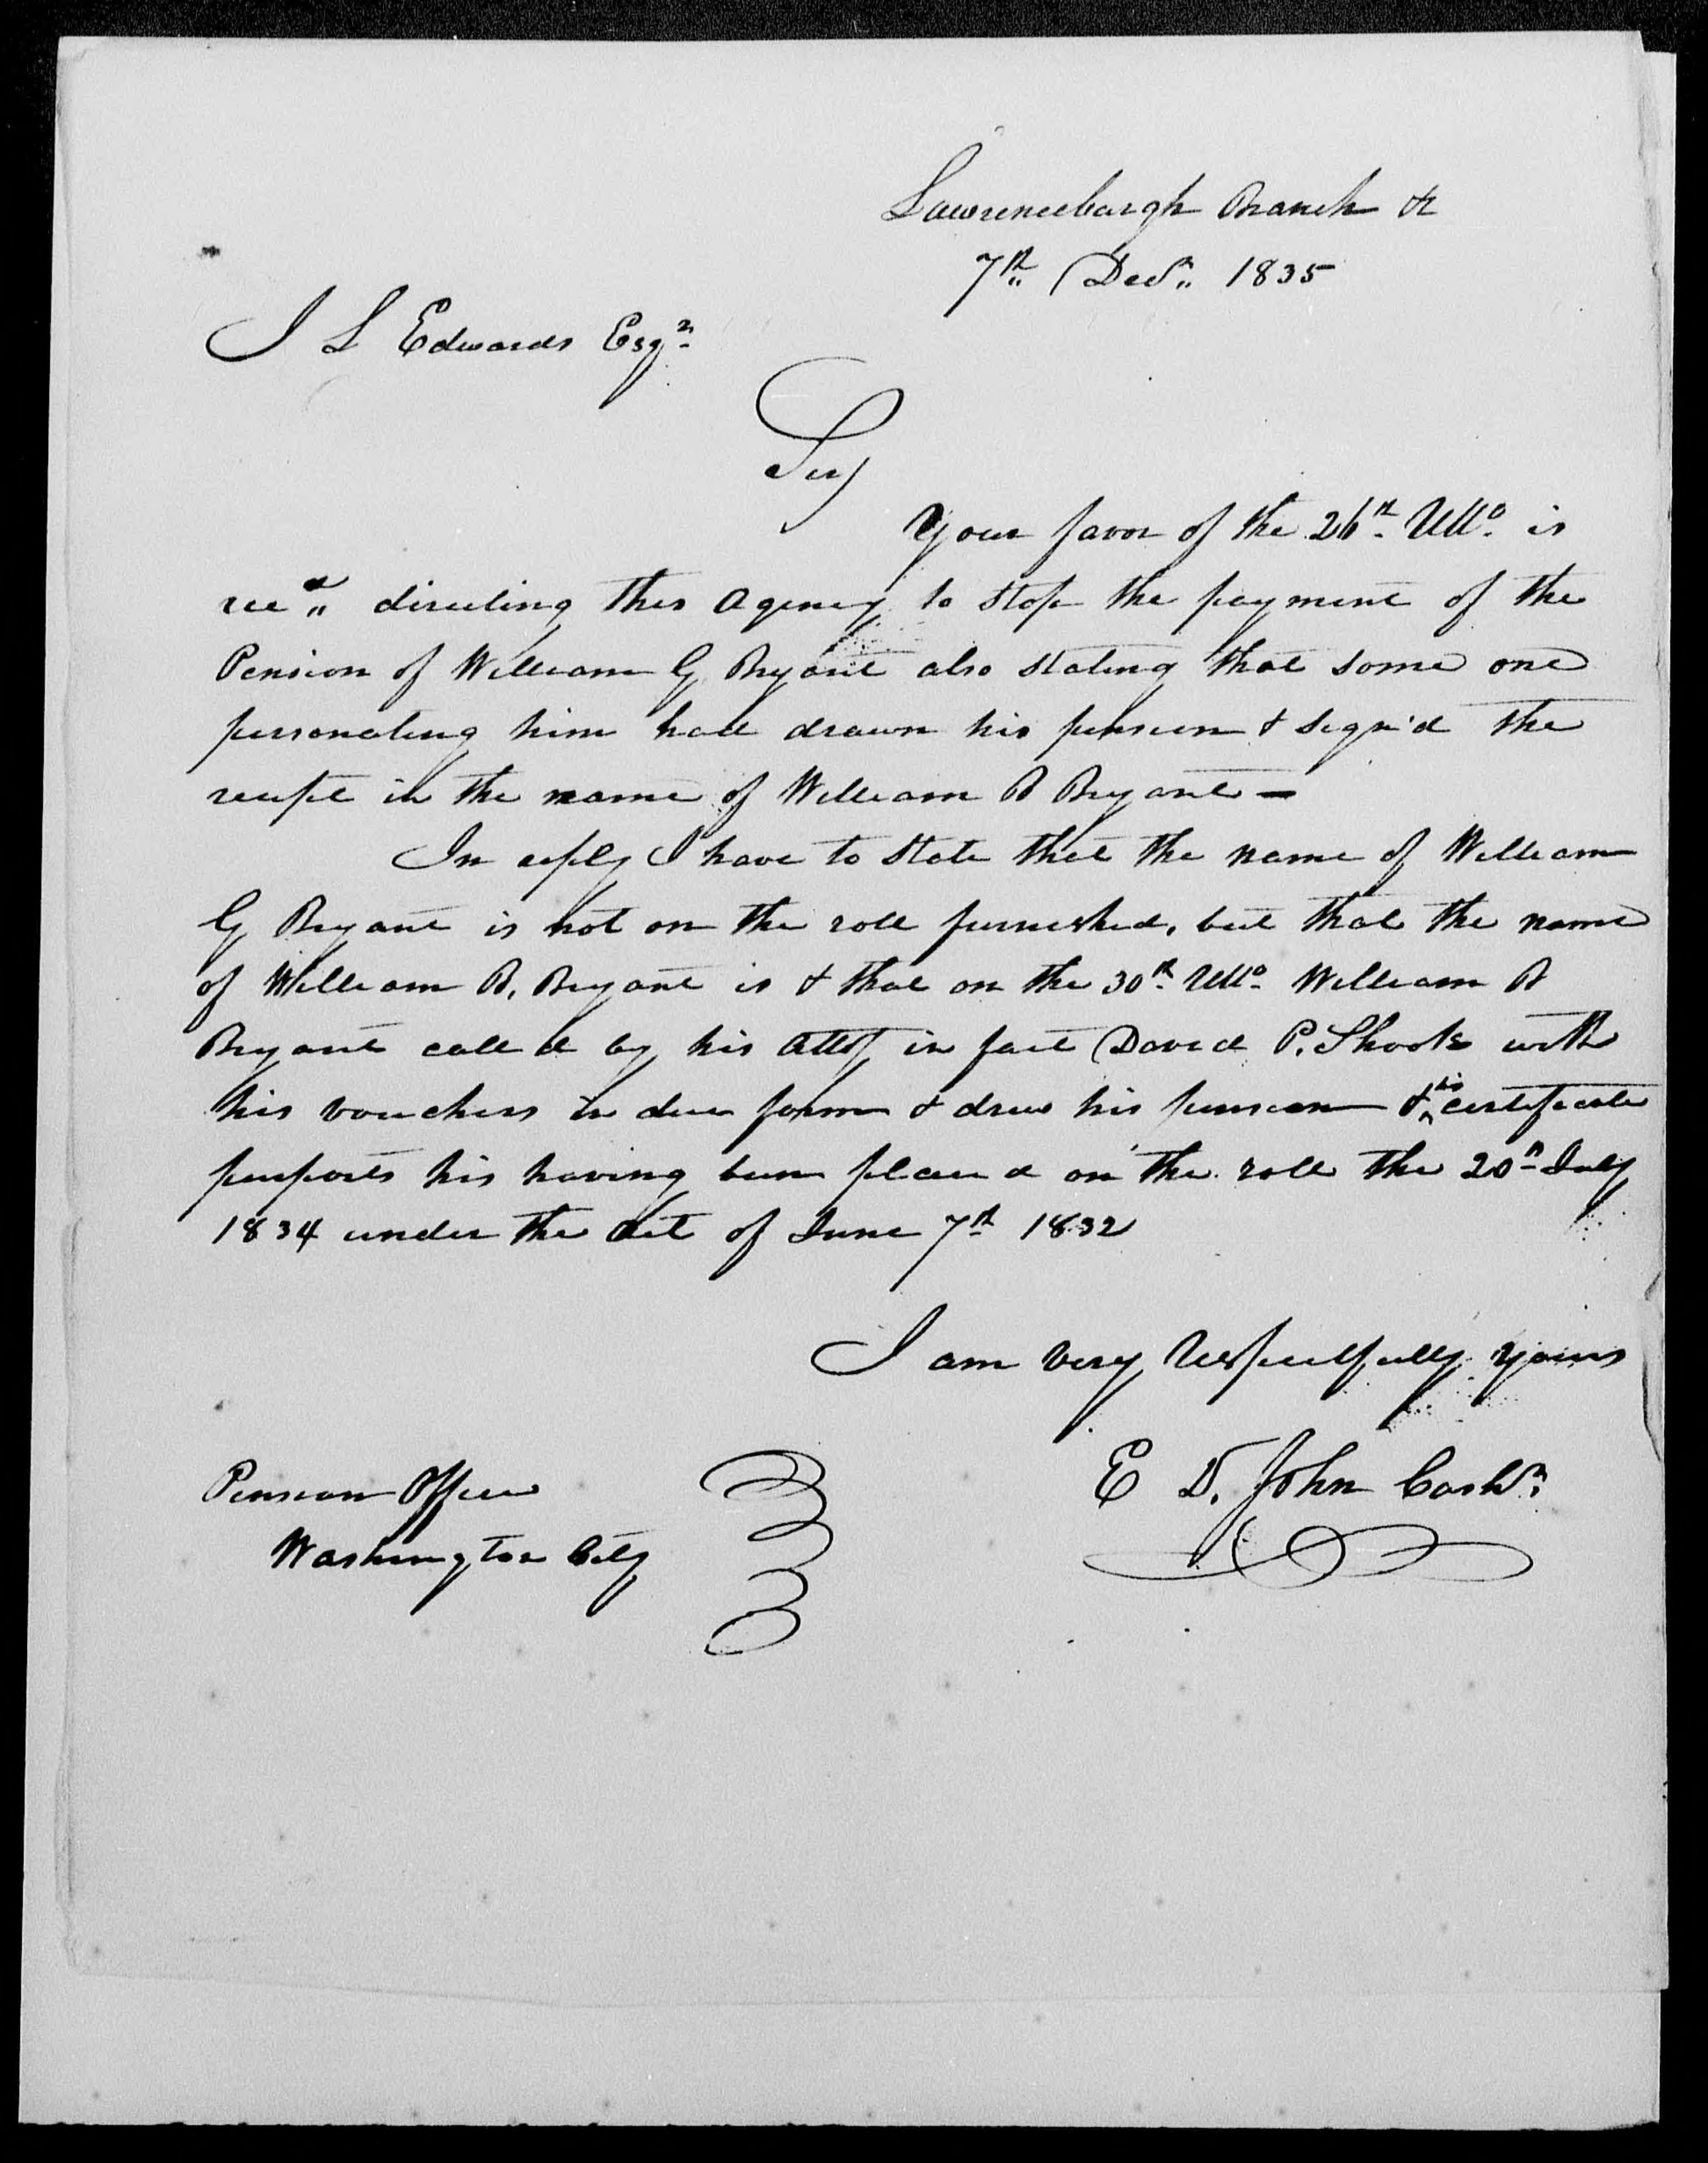Sawreneebargh Ranch &c
7th,, Decr,, 1835
J L Edwards Esqr
Sir,
Your favor of the 26th Ulto. is recd,, directing this Agency to stop the payment of the Pension of William Bryant also stating that some one personating him had drawn his pension & sign'd the receipt in the name of William B Bryant -
In reply I have to state that the name of William G Bryant is not on the roll furnished, but that the name of William B. Bryant is & that on the 30th Ulto. William B Bryant call be by his Atty in fact David P. Shook with his vouchers in due form & draw his pension & his certificate purports his having been placed on the roll the 20th July 1834 under the Act of June 7th 1832
I am very respectfully yours
E D. John Corkr.

Pension Office
Washington City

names: William B Bryant, William B Bryant, William B Bryant, E D John, William G Bryant, J L Edwards, William G Bryant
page: 21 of 31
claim: survivor's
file: S. 3049, William G Bryant, Va.